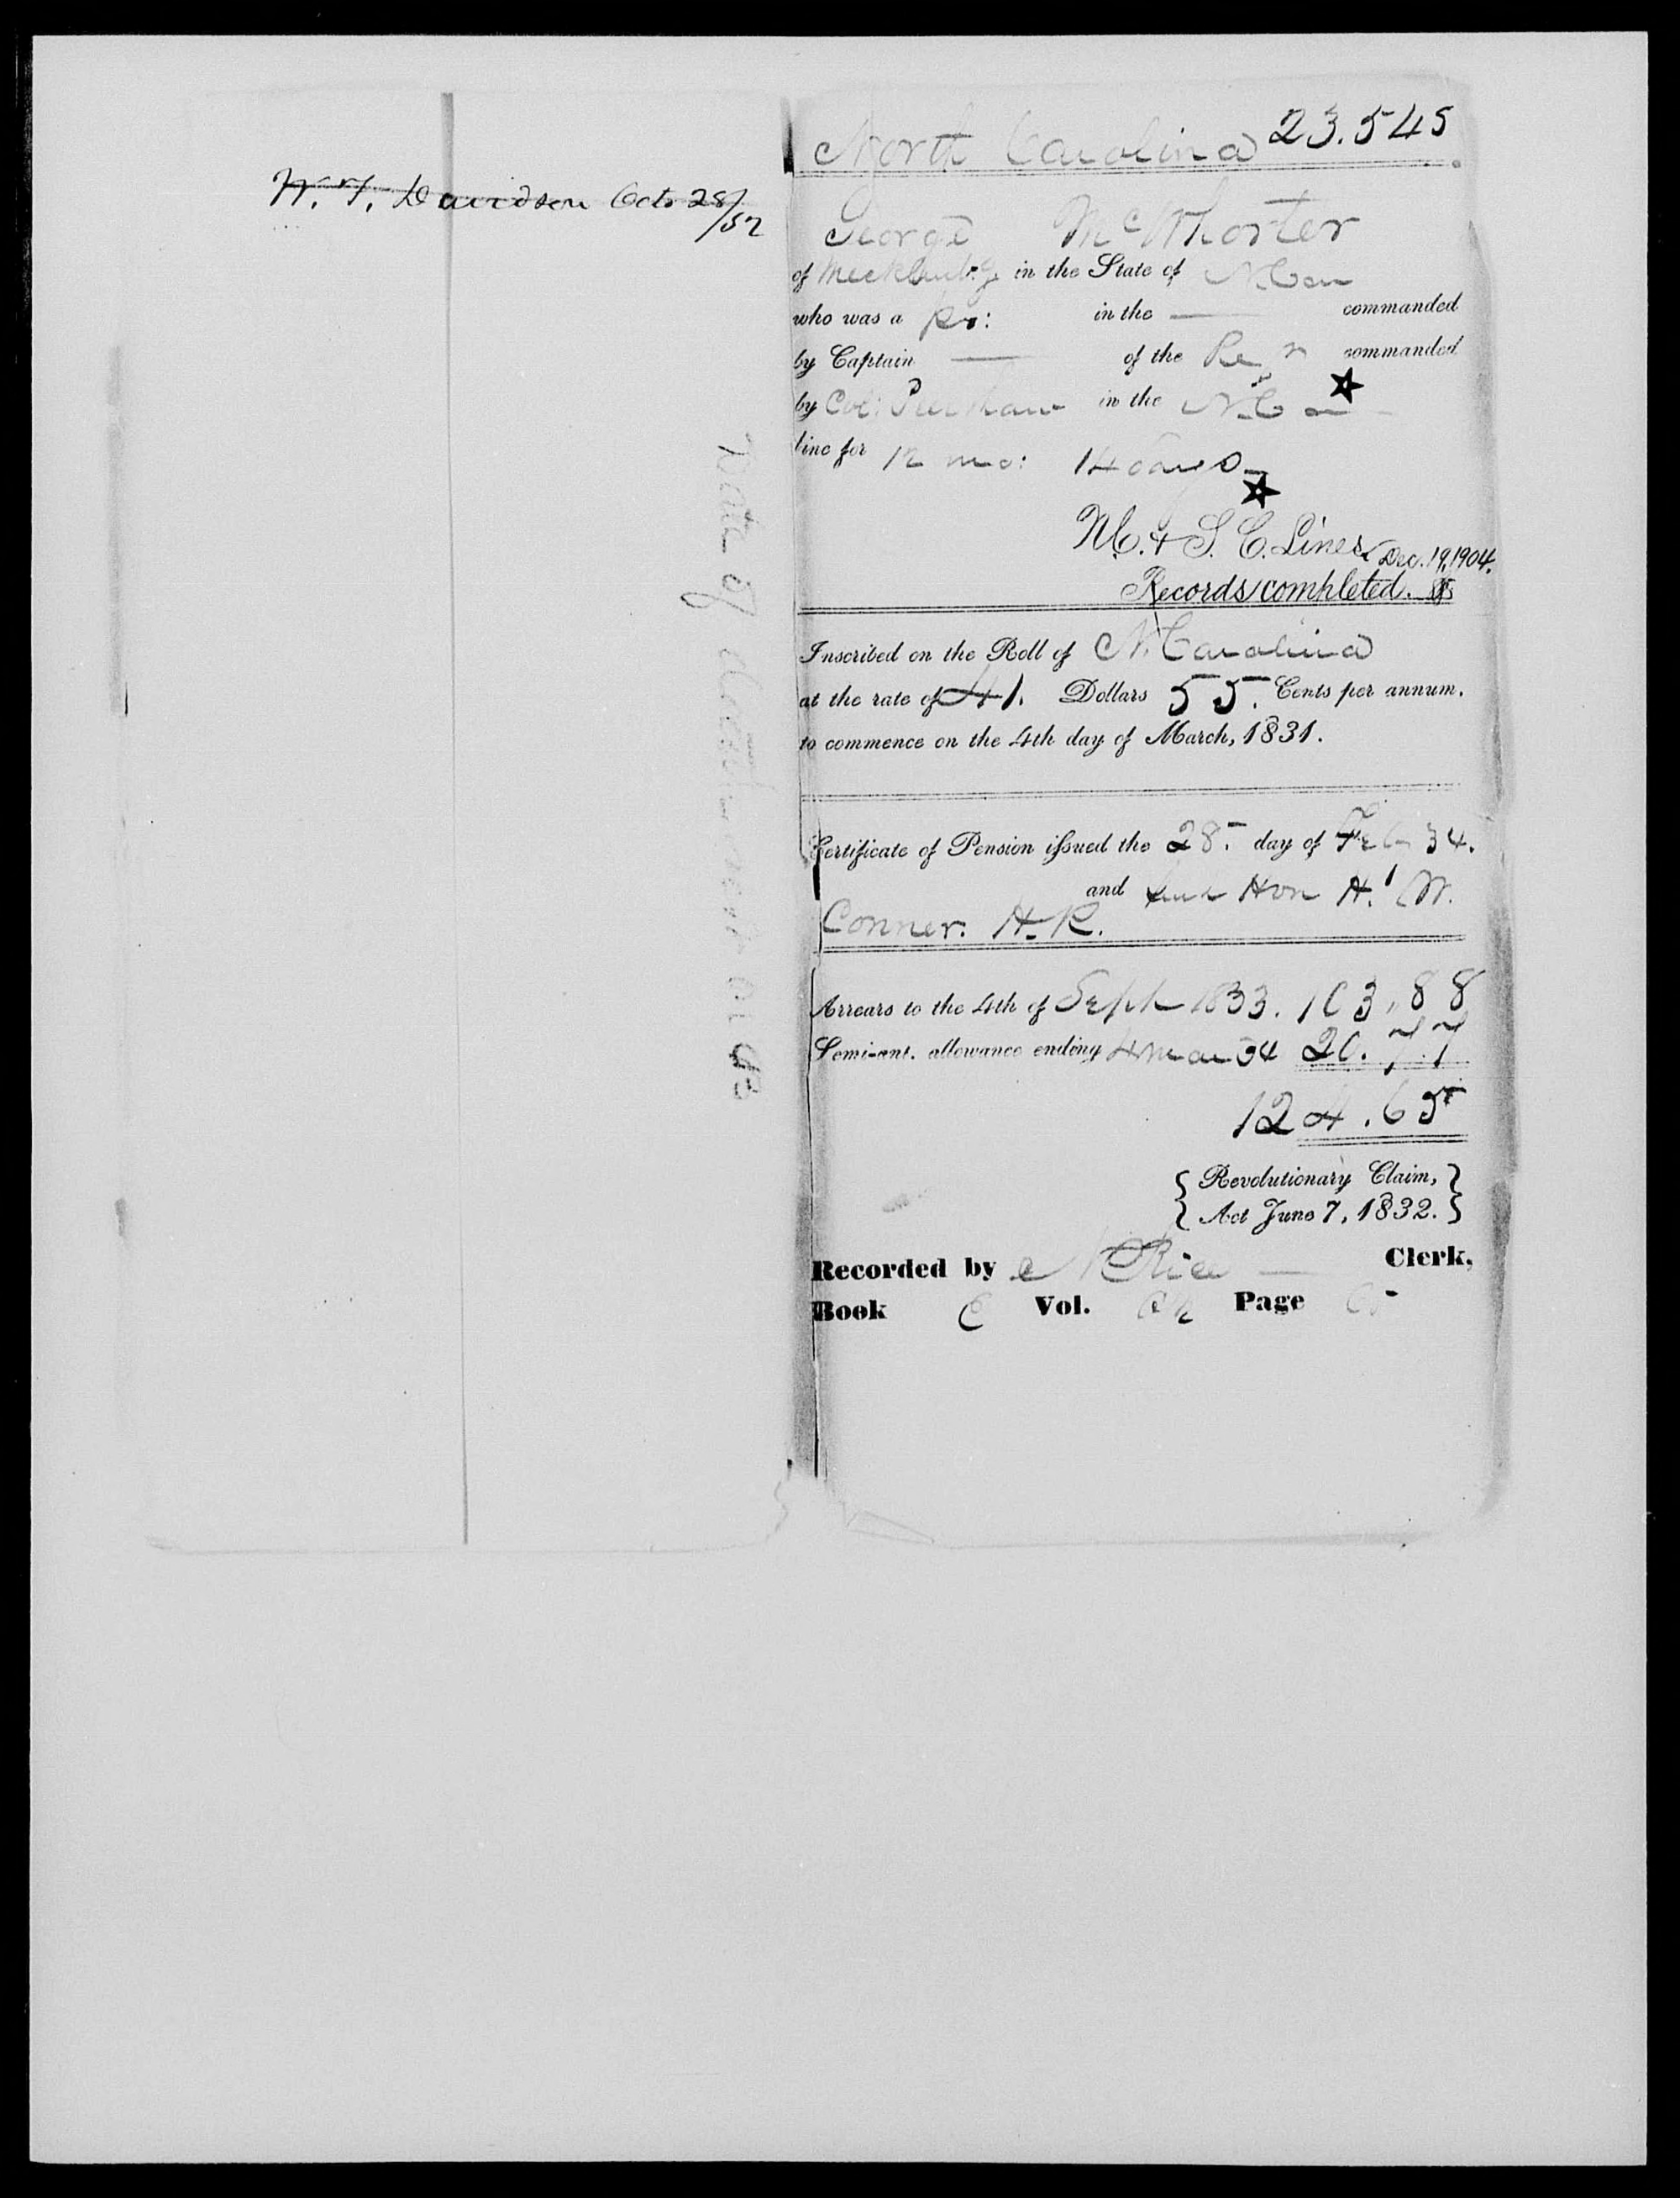[left side] W.F. Davidson Oct 28/52 ( marked out ) ( vertical on page ) ( Date of death sent on AB ) 
[right side] North Carolina 23,545
George McWhorter of Mecklenburg in the State of N. Car who was a pri in the ___commanded by Captain ___of the Reg commanded by Col Kershaw in the N. Carolina line for 12 mo : 14 days
N.C. & S.C. Lines
Records completed
Dec. 19, 1904.
Inscribed on the Roll of N. Carolina at the rate of 41 Dollars 55 Cents per annum, to commence on the 4th day of March 1831.
Certificate of Pension issued the 28th day of Feb 34.
and  Hon H.M. Conner, H.R.
Arrears to the 4th of Sept 1833. $103.88
Semi-anl. allowance ending 4 Mar 34. $ 20.77
$124.65 ( total ) 
{Revolutionary Claim
Act June 7, 1832.}
Recorded by N Rice Clerk, Book C Vol. [?] Page  65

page: 2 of 35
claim: survivor's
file: S. 9,011, for George Mc Whorter, North Carolina